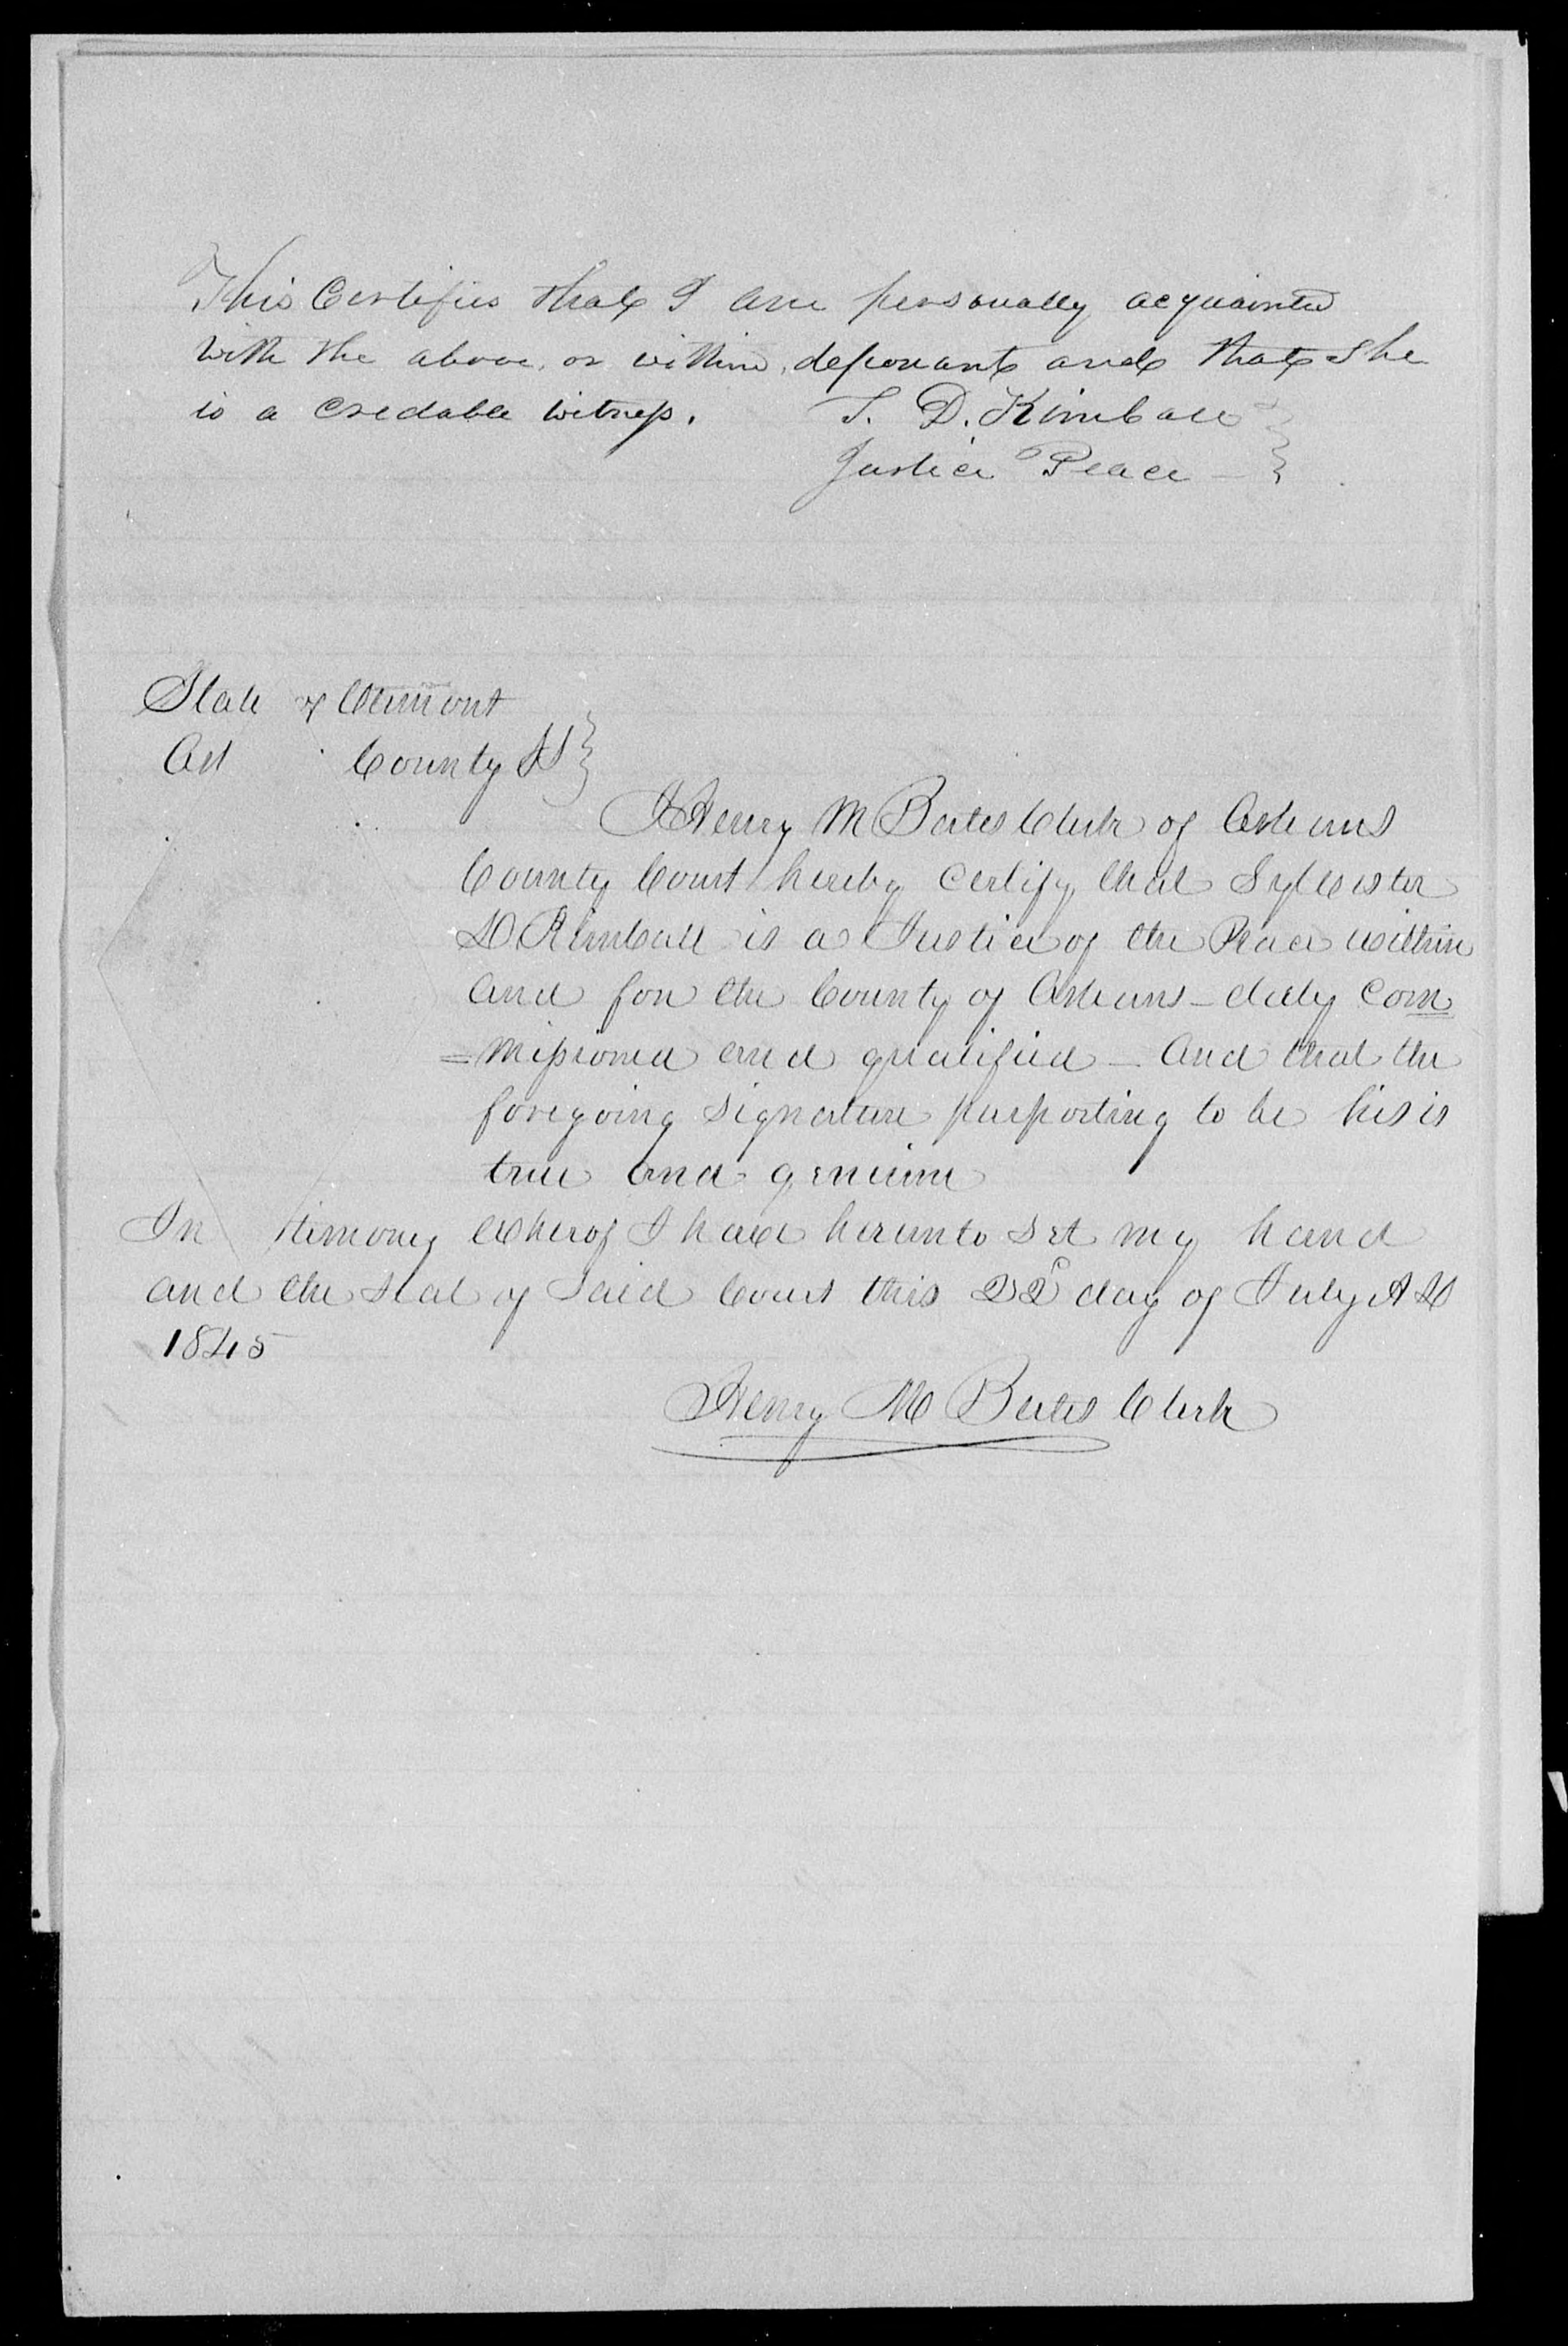This certifies that I am personally acquainted with the above, or within deponant and that she is a credible witness.
S D Kimball
Justice Peace }

State of Vermont
[Orleans] County Ss }

I Avery M Bates Clerk of Orleans County Court hereby certify that Sylvester D. Kimball is a Justice of the Peace within and for the County of Orleans duly commissioned and qualified - And that the foregoing signature purporting to be his is true and genuine
In [testimony] whereof I have hereunto set my hand and the seal of said court this 22d of July AD 1845
Henry M Bates Clerk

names: Sylvester D Kimball, Henry M Bates, S D Kimball, Henry M Bates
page: 27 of 61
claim: widow's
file: W. 19500, Samuel Thing Gilman, Continental N.H.